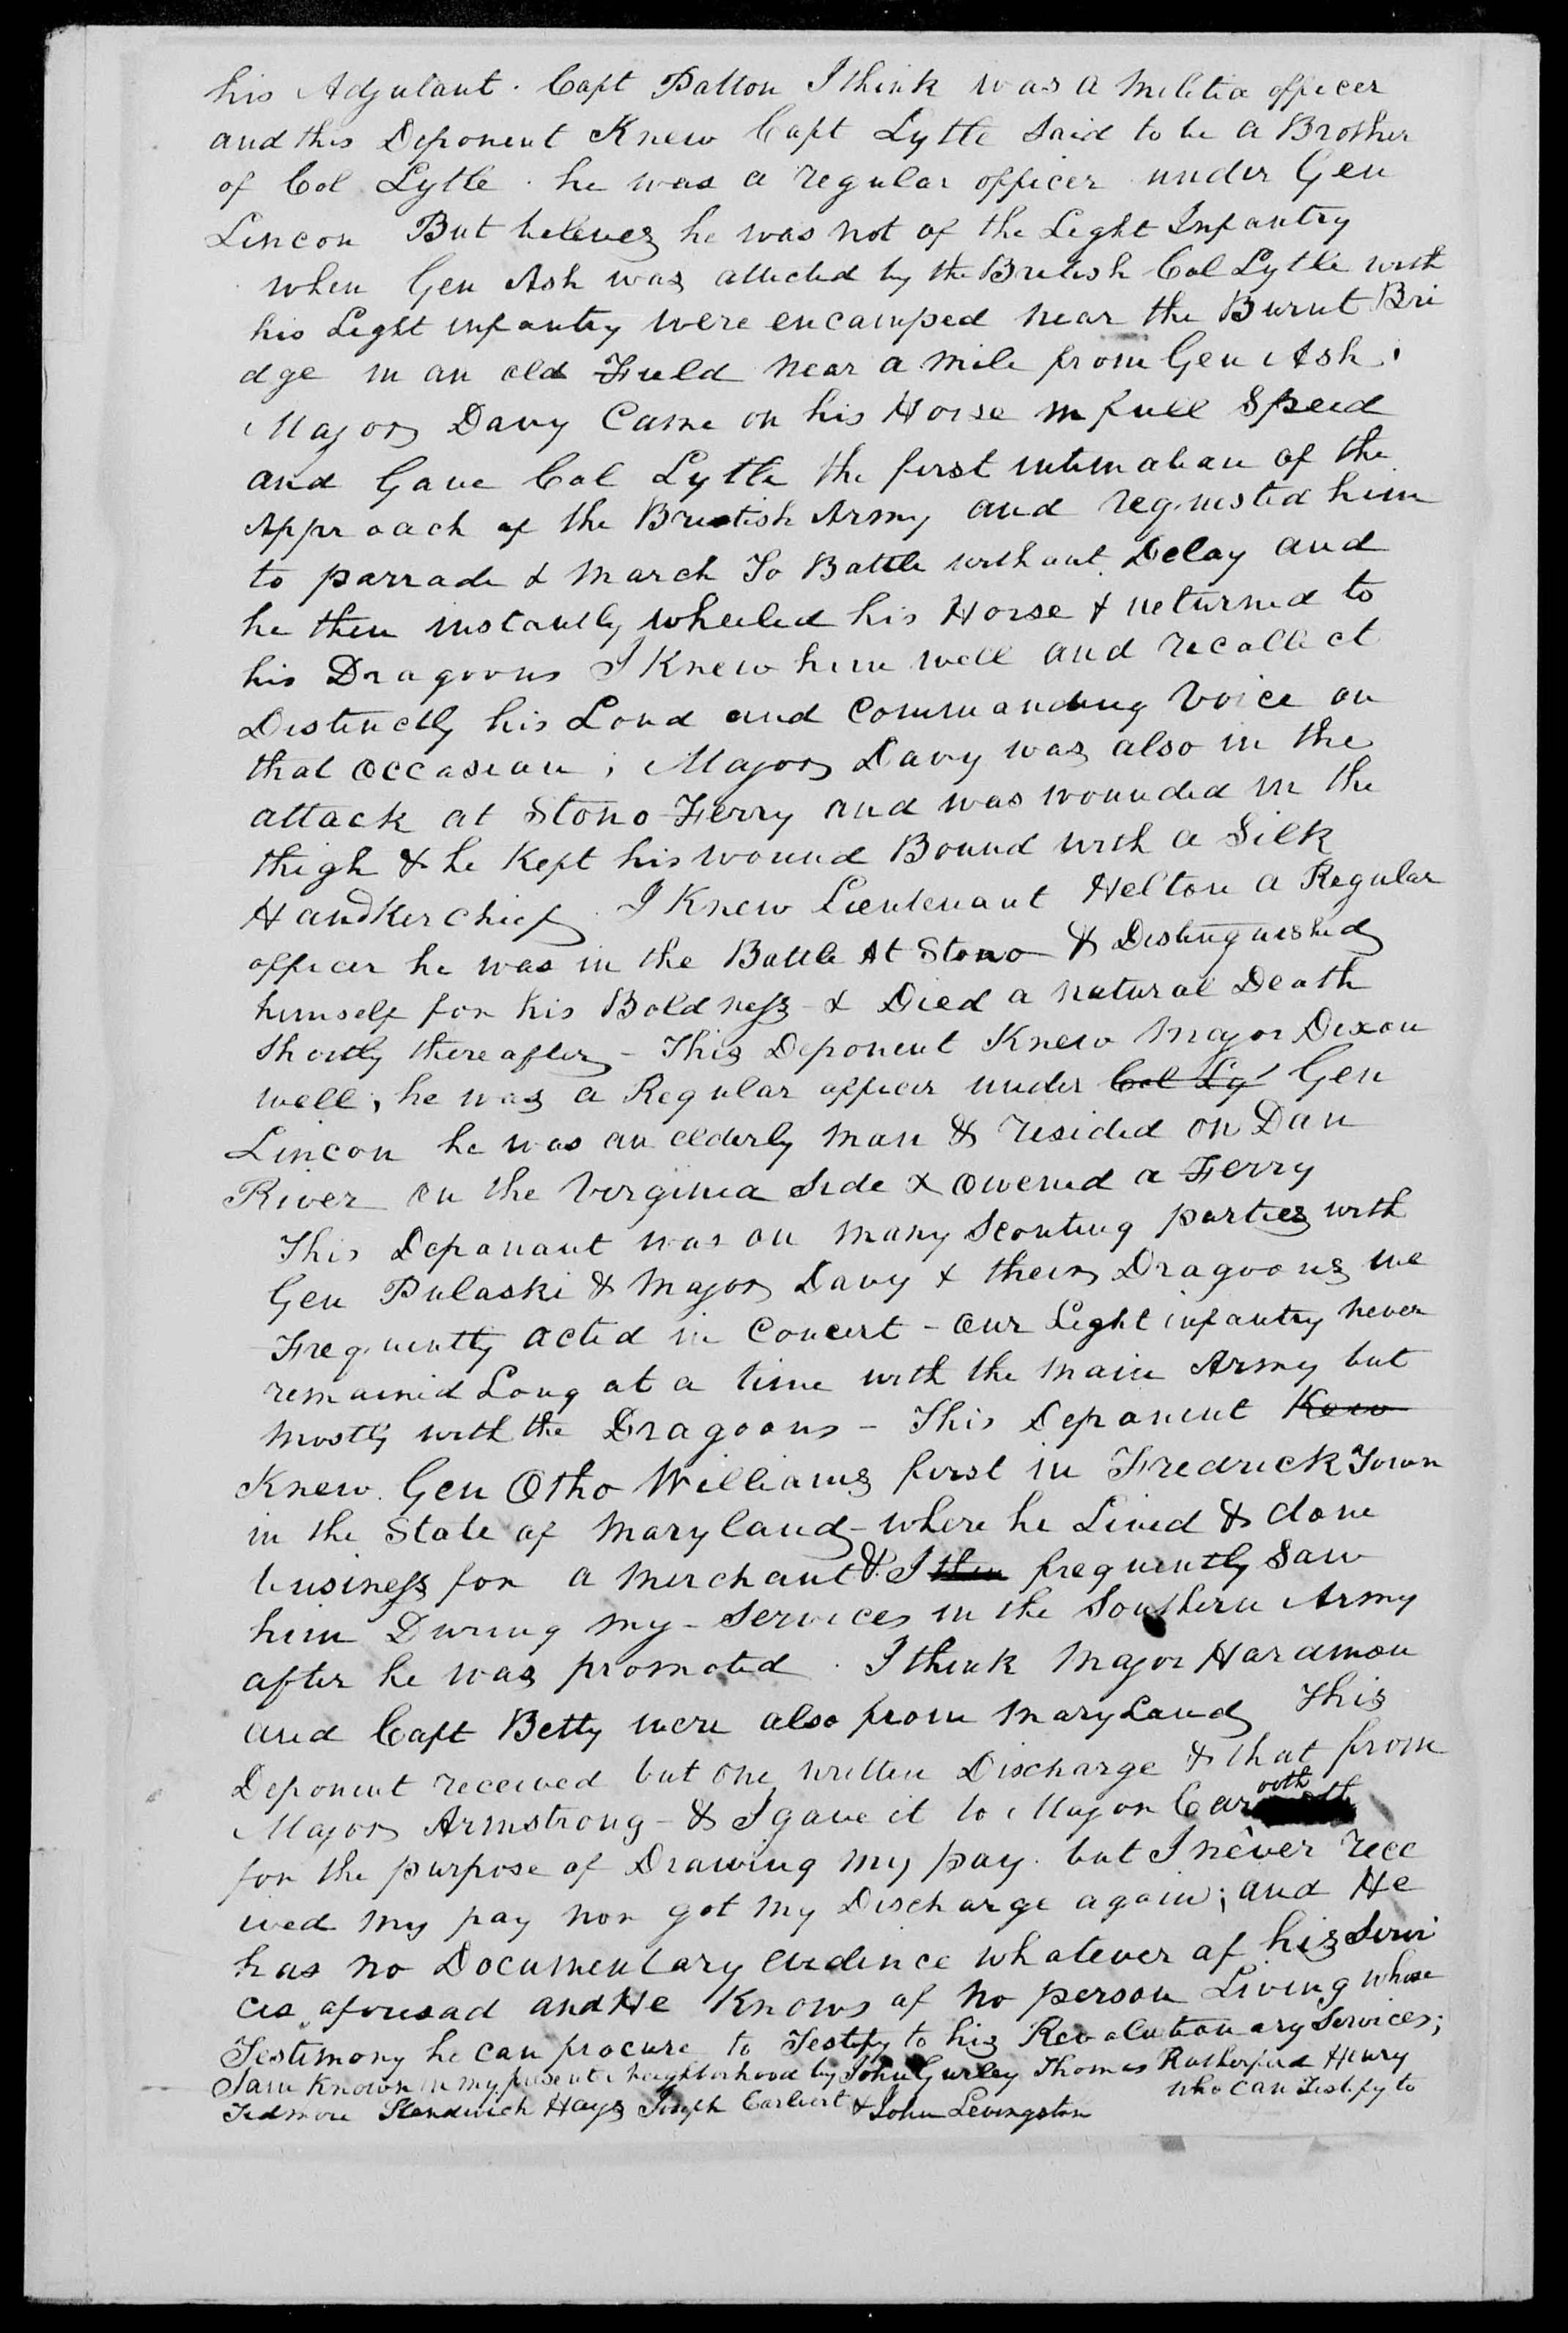his Adjutant. Capt Patton I think was a militia officer and this Deponent Knew Capt Lytle said to be a Brother of Col Lytle. he was a regular officer under Gen Lincon But believes he was not of the Light Infantry
when Gen Ash was allected by the British Col Lytle with his light infantry were encamped near the Burnt Bridge in an old field near a mile from Gen Ash
Major Davy came on his Horse in full speed
and Gave Col Lytle the first intimation of the
Approach of the British Army and requested him to parade & March to Battle without Delay and he then instantly wheeled his Horse & returned to his Dragoons I knew him well and recollect Distinctly his Loud and commanding voice on that occasion, Major Davy was also in the attack at Stono Ferry and was wounded in the thigh & he kept his wound bound with a Silk Handkerchief I Knew Lieutenant Helton A Regular officer he was in the Battle at Stono & Distinguished himself for his Boldness & died a natural death shortly thereafter. This Deponent knew Major Dixon well, he was a Regular officer under [" Col" is struck through] Gen
Lincon he was an elderly man & resided on Dan River on the Virginia side & owened [owned] a Ferry
This Deponant was on many scouting parties with Gen Pulaski & Major Davy & their Dragoons we Frequently acted in Concert - our Light infantry never remained long at a time with the main Army but Mostly with the Dragoons. - This Deponent Knew Gen Otho Williams first in Fredrick Town in the State of Maryland - where he lived & done business for a merchant & I the frequently saw him during my services, in the Southern Army after he was promoted. I think Major Hardman and Capt Betty were also from Maryland This Deponent received but one written Discharge &  that from Major Armstrong & I gave it to Major Carooth for the purpose of drawing my pay. but I never received my pay nor got my Discharge again; and he has no Documentary evidence whatever of his services aforesaid and He knows of no person living whose
Testimony he can procure to testify to his Revolutionary services;
I am known in my present neighborhood by John Gurley Thomas Rutherford Henry
Tidmore Kendrick Hays Joseph Carbert & John Levingston who can testify to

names: Joseph Carbert, Lytle, Davy, Lytle, Betty, Patton, Lytle, Lincon, Lincon, Ash, Hardmon, Henry Tidmore, John Gurley, Kendrick Hays, Lytle, Carooth, Thomas Rutherford, Otho Williams, Davy, John Levingston, Pulaski, Davy, Ash, Armstrong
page: 12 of 18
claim: survivor's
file: S. 15176, George Hofstalar, N.C.